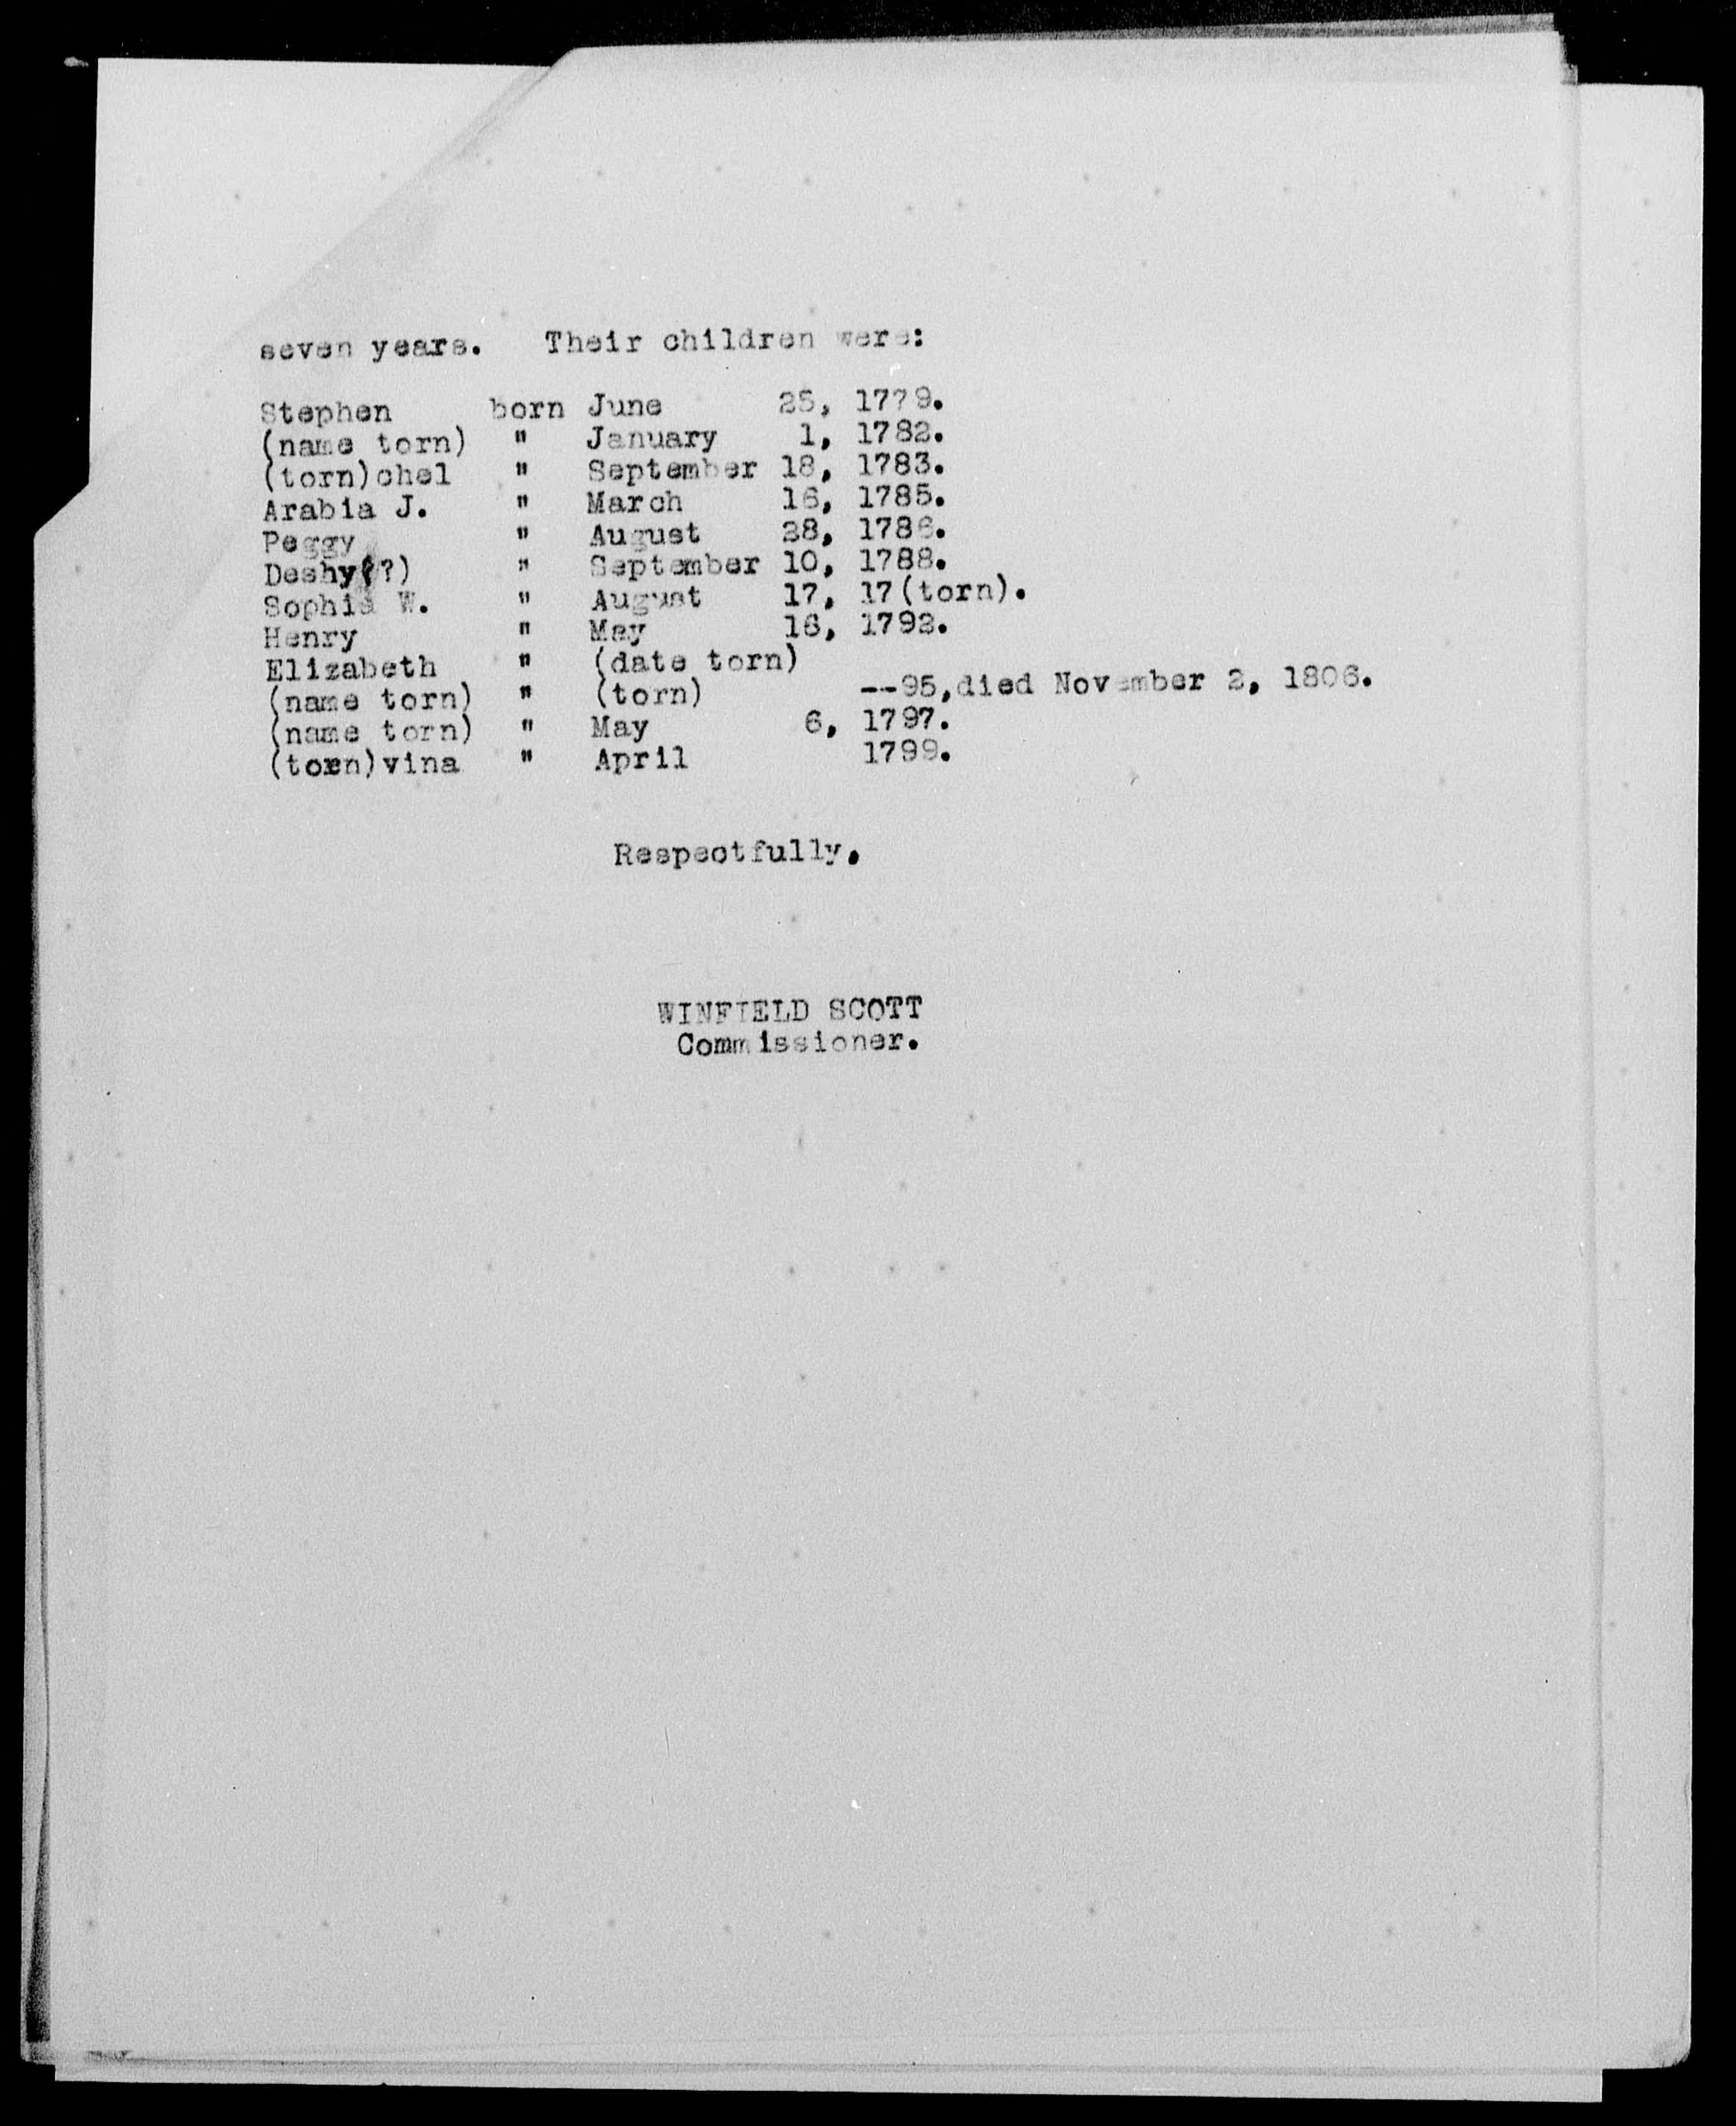seven years.       Their children were:

Stephen       born June         25, 1779.
(name torn)    "    January       1, 1782.
(torn)chel       "    September 18, 1783.
Arabia J.         "    March         16, 1785.
Peggy            "     August        28, 1786.
Deshy(?)        "     September  10, 1788.
Sophia W.     "     August         17, 17(torn).
Henry            "     May             16, 1792.
Elizabeth       "     (date torn)
(name torn)   "    (torn) --95,died November 2,1806.
(name torn)   "    May               6, 1797.
(torn)vina      "    April                   1799.

Respectfully,
 WINFIELD SCOTT
Commissioner.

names: Deshy, Arabia J, Stephen, Henry, Elizabeth, Peggy, Sophia W, Winfield Scott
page: 45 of 65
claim: widow's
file: W. 8384, Arabia Brown, Va.